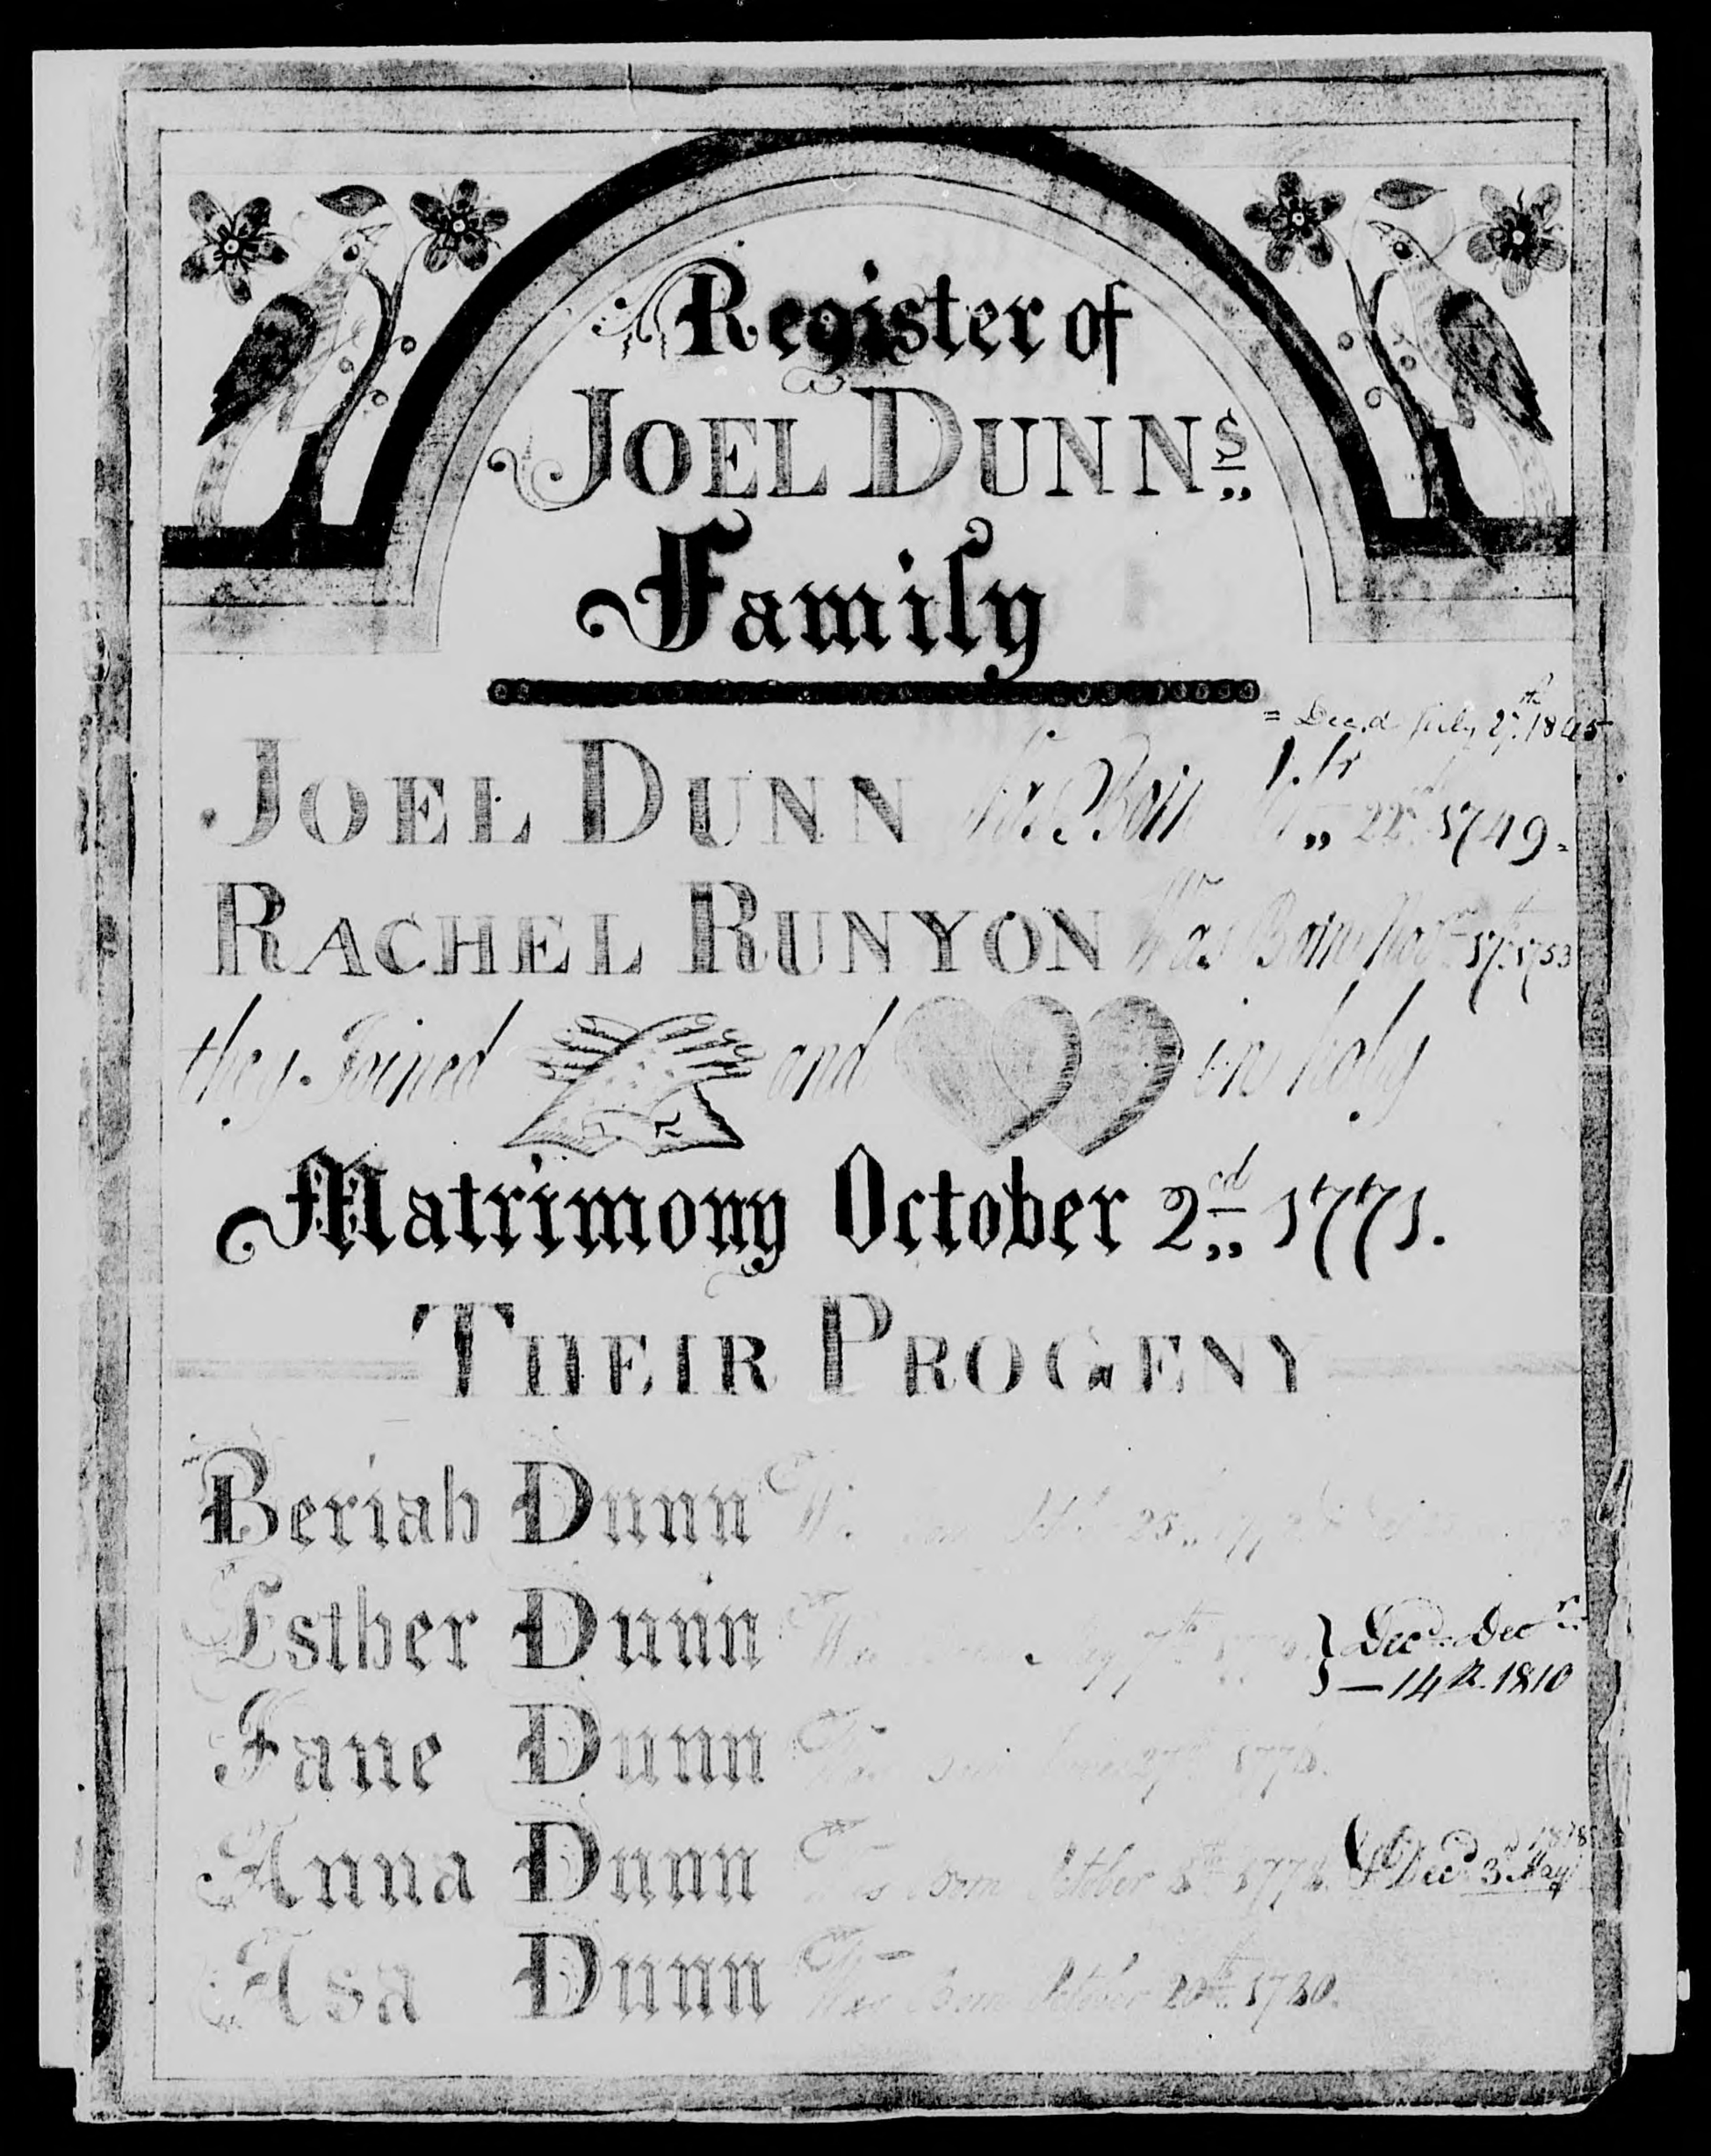[illustrated family record]
Register of JOEL DUNN's Family
JOEL DUNN Was Born Oct'r 22.1749 Dec'd July 27th 1845
RACHEL RUNYON Was Born Nov'r 17.1753
they Joined [image of hands] and [image of hearts] in holy Matrimony October 2nd, 1771.
THEIR PROGENY
Beriah Dunn Was Born Sep't 25 [year illegible]
Esther Dunn Was Born May 7th 1775. Dec'd Dec'r 14th 1810
Jane Dunn Was Born June 27th 1776.
Anna Dunn Was Born October 8th 1778. Dec'd 3d May 1818
Asa Dunn Was Born October 20th 1780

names: Anna Dunn, Asa Dunn, Esther Dunn, Joel Dunn, Joel Dunn, Rachel Runyon, Beriah Dunn, Jane Dunn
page: 5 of 52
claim: widow's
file: W. 919, Joel Dunn, New Jersey